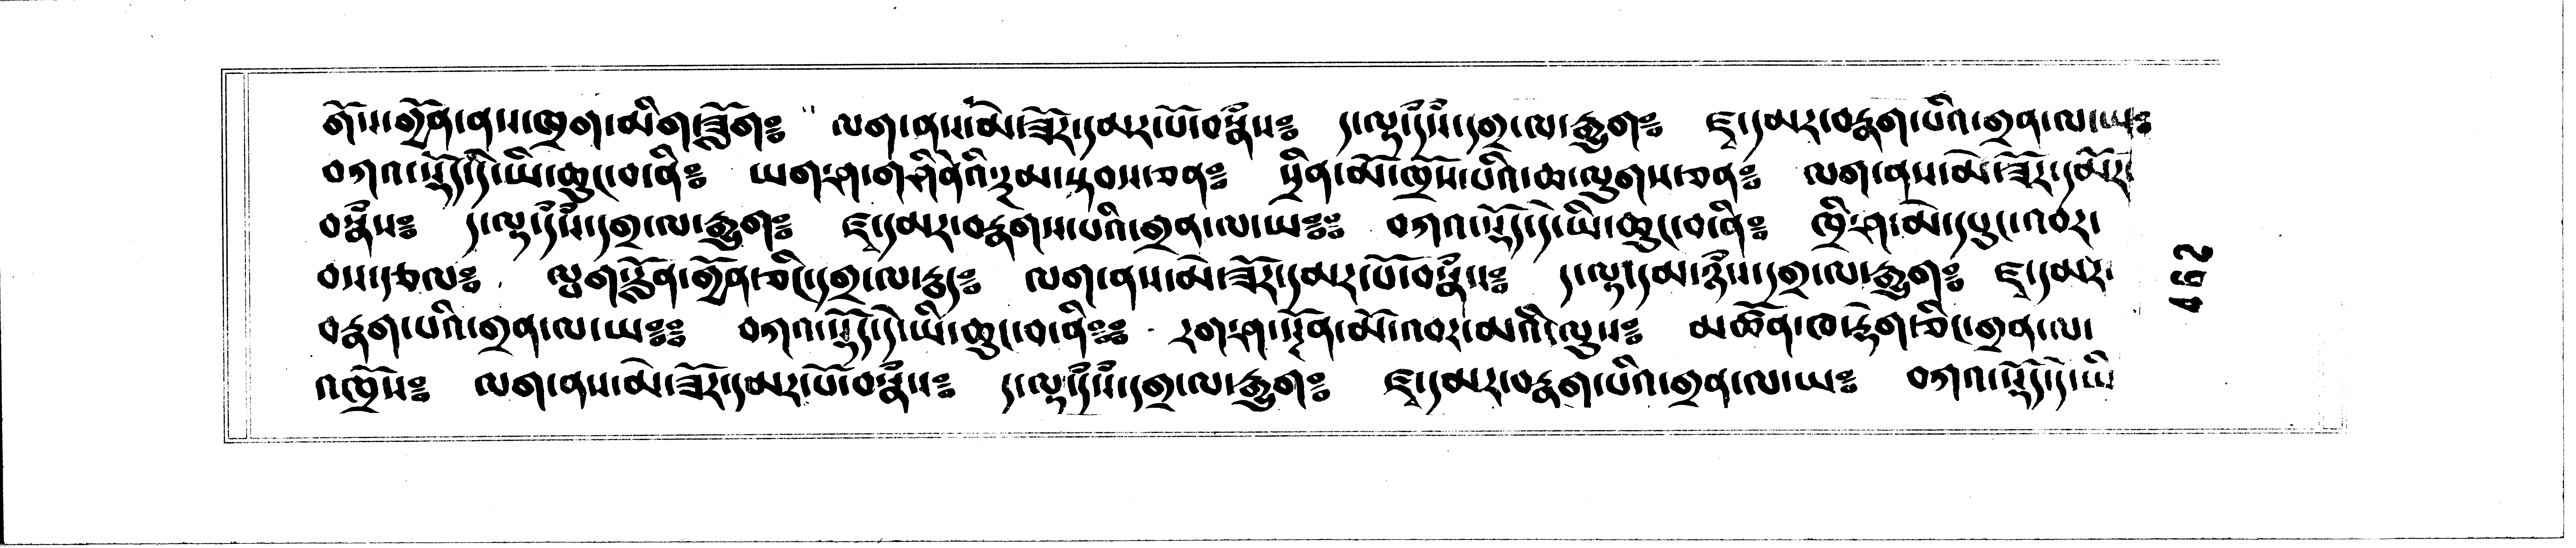གོས་གྱོན་ནས་ཁྲག་མིག་ཟློག༔ལག་ནས་མེ་ཟོར་དམར་པོ་བསྣམས༔ད་ལྟར་དམ་ཉམས་དགྲ་ལ་རྒྱུག༔ཛྭ་དམར་བརྣག་པའི་གྲན་ལ་ཡ༔
༔བཀའ་སྡོད་དེ་ཡི་ཆུང་བ་ནི༔ཡག་ཤ་གཤིན་རྗེའི་རྔམ་སྟབས་ཅན༔སྲིན་མོ་ཁྲོས་པའི་ཆ་ལུགས་ཅན༔ལག་ནས་མེ་ཟོར་དམར་པོ་
བསྣམས༔ད་ལྟར་དམ་ཉམས་དགྲ་ལ་རྒྱུག༔ཛྭ་དམར་བརྣག་པའི་གྲན་ལ་ཡ༔༔བཀའ་སྡོད་དེ་ཡི་ཆུང་བ་ནི༔ཁྲི་ཤ་མེ་དཔུང་འབར་
བས་རྩལ༔ལྤགས་རློན་གྱོན་ཅིང་དགྲ་ལ་རྦད༔ལག་ནས་མེ་ཟོར་དམར་པོ་བསྣམས༔ད་ལྟར་དམ་ཉམས་དགྲ་ལ་རྒྱུག༔ཛྭ་དམར་
བརྣག་པའི་གྲན་ལ་ཡ༔༔བཀའ་སྡོད་དེ་ཡི་ཆུང་བ་ནི༔རག་ཤ་སྔོན་མོ་འབར་མའི་ལུས༔མཚོན་ཁ་རྡེག་ཅིག་གྲན་ལ་
འཁྲོས༔ལག་ནས་མེ་ཟོར་དམར་པོ་བསྣམས༔ད་ལྟར་དམ་ཉམས་དགྲ་ལ་རྒྱུག༔ཛྭ་དམར་བརྣག་པའི་གྲན་ལ་ཡ༔༔བཀའ་སྡོད་དེ་ཡི་